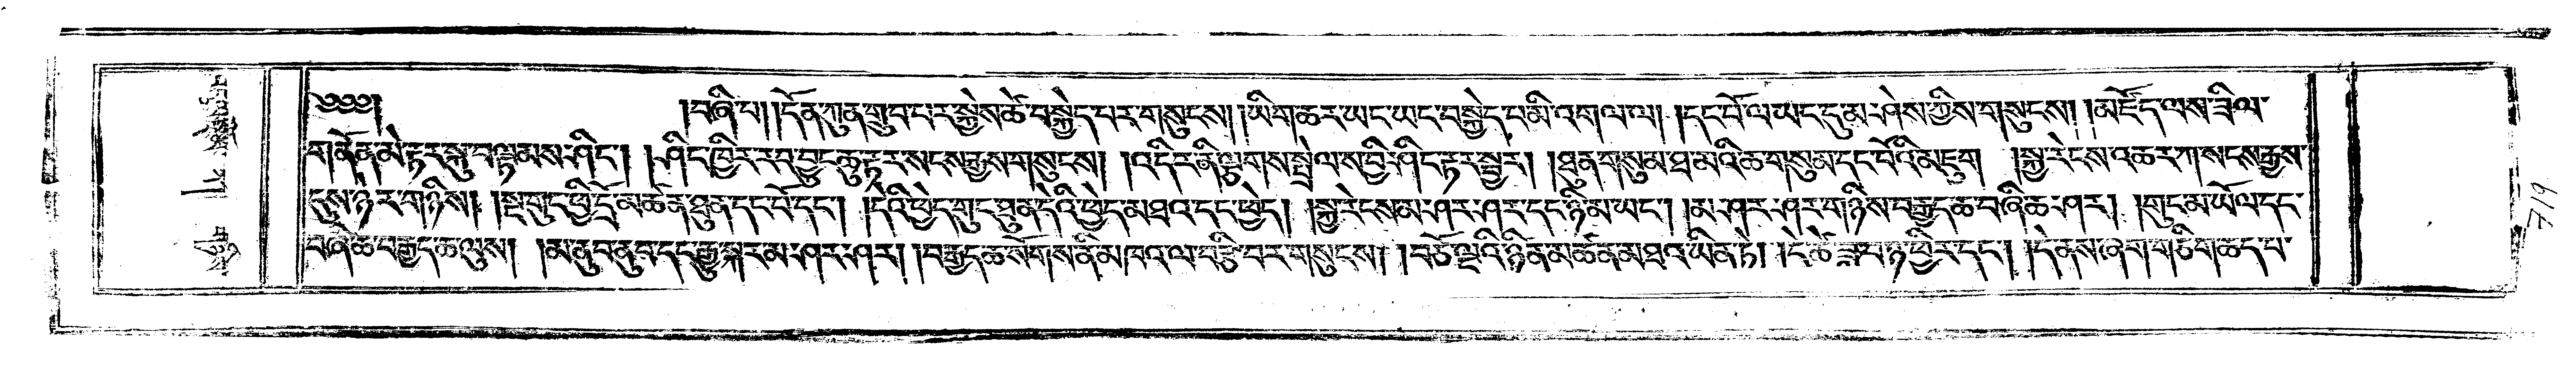༄༅༅། །བཞི་པ། །དོན་ཀུན་གྲུབ་པར་སྐྱེས་ཚེ་བསྐྱེད་པར་གསུངས། །ཡིག་ཆར་ཡང་ཡང་བསྐྱེད་པ་མི་འགལ་ལ། །དང་པོ་ལ་ཡང་དུ་མ་ཤེས་ཀྱིས་གསུངས། །མཛོད་ལས་ཟིལ་
གནོན་མེ་རྟར་སྐུ་བལྟམས་ཤིང་། །ཤིང་ཁྱིར་རབ་བྱུང་ཆུ་རྟར་སངས་རྒྱས་གསུངས། །འདིར་ནི་ལྕགས་སྤྲེལ་ས་བྱི་ཤིང་རྟར་སྦྱར། །ཐུན་གསུམ་ཐ་མའི་ཆ་གསུམ་དང་པོའི་མཇུག །སྐྱ་རེངས་འཆར་ཀ་སངས་རྒྱས་
དུས་ཉེར་གཉིས། །སྔ་གུང་ཕྱི་དྲོ་མཚན་ཐུན་དང་པོ་དང་། །དེའི་ཕྱེད་གུང་ཐུན་དེའི་ཕྱེད་མཐའ་དང་ཕྱེད། །སྐྱ་རེངས་མ་ཤར་ཤར་དང་ཉི་མ་ཡང་། །མ་ཤར་ཤར་གཉིས་བརྒྱད་ཆ་བཞི་ཆ་ཤར། །གུང་མ་ཡོལ་དང་
བཞི་ཆ་བརྒྱད་ཆ་ལུས། །མ་ནུབ་ནུབ་དང་རྒྱུ་སྐར་མ་ཤར་ཤར། །བརྒྱད་ཆ་སོགས་ནི་མཁའ་ལ་བརྩི་བར་གསུངས། །བཅོ་ལྔའི་ཉིན་མཚན་མཐའ་ཡིན་ཏེ། །དེ་ཚེ་ཟླ་བ་ཉ་ཕྱིར་དང་། །དེ་ནས་ཞག་གཅིག་ཆད་པ་